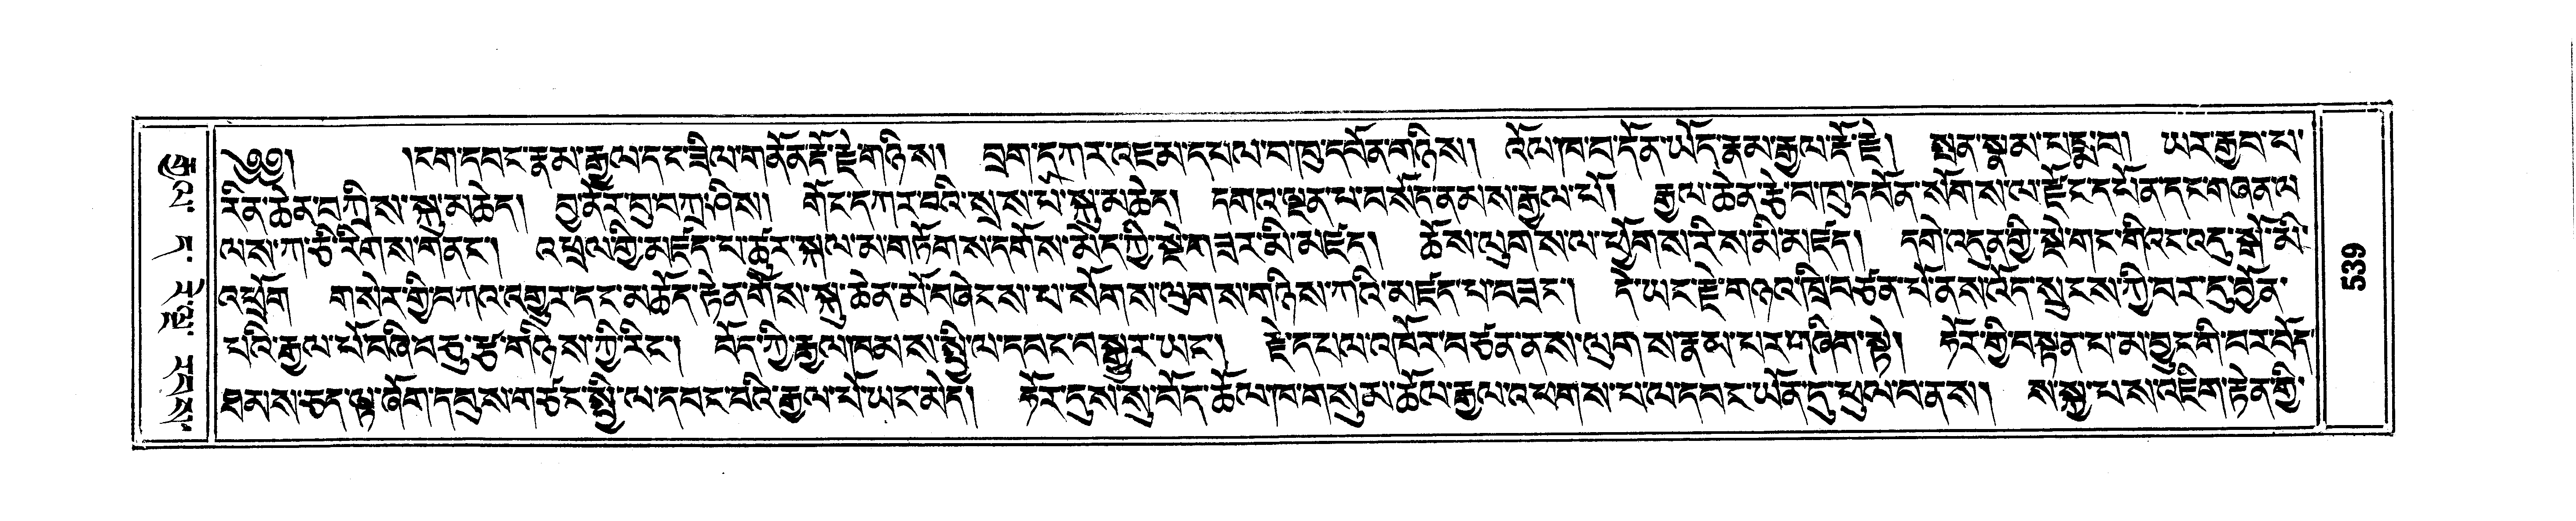༄༅། །ངག་དབང་རྣམ་རྒྱལ་དང་ཟིལ་གནོན་རྡོ་རྗེ་གཉིས། བྲག་དཀར་འཇམ་དཔལ་བ་ཁུ་དབོན་གཉིས། འོལ་ཁ་བ་དོན་ཡོད་རྣམ་རྒྱལ་རྡོ་རྗེ། སྤན་སྣམ་པདམ་བ། ཡར་རྒྱབ་པ་
རིན་ཆེན་བཀྲིས་སྐུ་མཆེད། བྱ་ནོར་བུ་བཀྲ་ཤིས། གོང་དཀར་བའི་སྲས་པོ་སྐུ་མཆེད། དགའ་ལྡན་པ་བསོད་ནམས་རྒྱལ་པོ། རྒྱལ་ཆེན་རྩེ་བ་ཁུ་དབོན་སོགས་ལ་རྫོང་དཔོན་དང་གཞན་ལ་
ལས་ཀ་ཅི་རིགས་གནང་། འཕྲལ་གྱི་མཛད་པ་ཚུར་སྐལ་མ་གཏོགས་དགོས་མེད་ཀྱི་སྡེ་གཟར་མི་མཛད། ཆོས་ལུགས་ལ་ཕྱོགས་རིས་མི་མཛད། དགེ་འདུན་གྱི་སྡེ་གང་གིའང་འདུ་སྒོ་མི་
འཕྲོག་གསེར་གྱི་བཀའ་འགྱུར་དང་མཆོད་རྟེན་གོས་སྐུ་ཆེན་མོ་བཞེངས་པ་སོགས་ལུགས་གཉིས་ཀའི་མཛད་པ་བཟང་། དེ་ཡང་རྗེ་གཉའ་ཁྲི་བཙན་པོ་ནས་འོད་སྲུངས་ཀྱི་བར་དུ་བྱོན་
པའི་རྒྱལ་པོ་བཞི་བཅུ་རྩ་གཉིས་ཀྱི་རིང་། བོད་ཀྱི་རྒྱལ་ཁམས་སྤྱི་ལ་དབང་བསྒྱུར་ཡང་། རྗེ་དཔལ་འཁོར་བཙན་ནས་ལུགས་རྣམ་པར་གཞིག་སྟེ། ཧོར་གྱི་བསྟན་པ་མ་བྱུང་གི་བར་བོད་
ཐམས་ཅད་ལྟ་ཞོག་དབུས་གཙང་སྤྱི་ལ་དབང་བའི་རྒྱལ་པོ་ཡང་མེད། ཧོར་དུས་སུ་བོད་ཆོལ་ཁ་གསུམ་ཆོལ་རྒྱལ་འཕགས་པ་ལ་དབང་ཡོན་དུ་ཕུལ་བ་ནས། ས་སྐྱ་པས་འཇིག་རྟེན་གྱི་